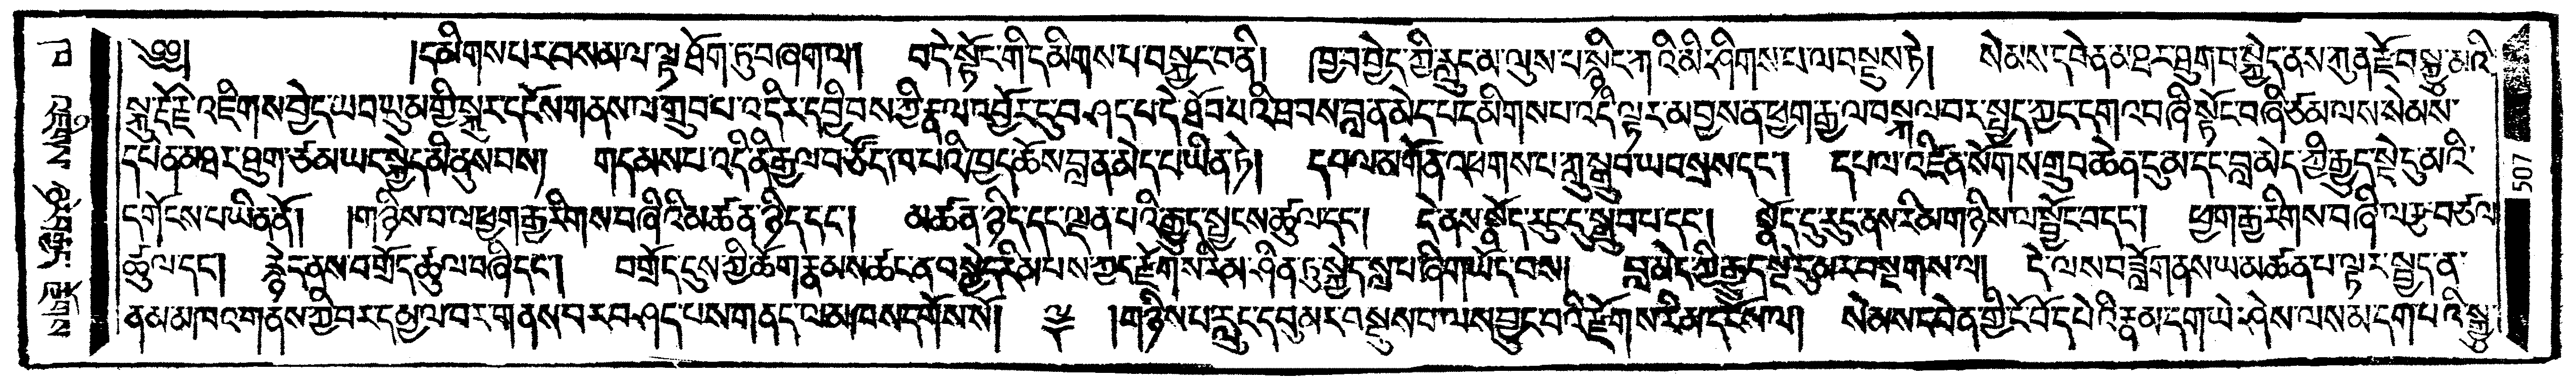༄༅། །དམིགས་པར་བསམ་ལ་ལྟ་ཐོག་ཏུ་བཞག་ལ། བདེ་སྟོང་གི་དམིགས་པ་བསྐྱང་བ་ནི། ཁྱབ་བྱེད་ཀྱི་རླུང་མ་ལུས་པ་སྙིང་ཀའི་མི་ཤིགས་པ་ལ་བསྡུས་ཏེ། སེམས་དབེན་མཐར་ཐུག་བསྐྱེད་ནས་ཀུན་རྫོབ་སྒྱུ་མའི་
སྐུ་རྡོ་རྗེ་འཇིགས་བྱེད་ཡབ་ཡུམ་གྱི་སྐུར་དངོས་གནས་ལ་གྲུབ་པ་འདིར་དབྱིབས་ཀྱི་རྣལ་འབྱོར་དུ་བཤད་པ་དེ་ཐོབ་པའི་ཐབས་བླ་ན་མེད་པ་དམིགས་པ་འདི་ལྟར་མ་བྱས་ན་ཕྱག་རྒྱ་ལ་བསྐལ་བར་སྤྱད་ཀྱང་དགའ་བཞི་སྟོང་བཞི་ཙམ་ལས་སེམས་
དབེན་མཐར་ཐུག་ཙམ་ཡང་སྐྱེད་མི་ནུས་པས། གདམས་པ་འདི་ནི་རྒྱལ་བ་ཙོང་ཁ་པའི་ཁྱད་ཆོས་བླ་ན་མེད་པ་ཡིན་ཏེ། དཔལ་མགོན་འཕགས་པ་ཀླུ་སྒྲུབ་ཡབ་སྲས་དང་། དཔལ་འཛིན་སོགས་གྲུབ་ཆེན་དུ་མ་དང་བླ་མེད་ཀྱི་རྒྱུད་སྡེ་དུ་མའི་
དགོངས་པ་ཡིན་ནོ། །གཉིས་པ་ལ་ཕྱག་རྒྱ་རིགས་བཞིའི་མཚན་ཉིད་དང་། མཚན་ཉིད་དང་ལྡན་པའི་རྒྱུད་སྤྱངས་ཚུལ་དང་། དེ་ནས་སྣོད་རུང་དུ་སྒྲུབ་པ་དང་། སྣོད་དུ་རུང་ནས་རིམ་གཉིས་ལ་སྦྱོང་བ་དང་། ཕྱག་རྒྱ་རིགས་བཞི་ལ་རྩ་བཙལ་
ཚུལ་དང་། རྙེད་ནས་བགྲོད་ཚུལ་བཞི་དང་། བགྲོད་དུས་ཀྱི་ཆོག་རྣམས་ཚང་ན་བསྐྱེད་རིམ་པས་ཀྱང་རྫོགས་རིམ་ཤིན་ཏུ་སྐྱེད་སླ་བ་ཞིག་ཡོད་པས། བླ་མེད་ཀྱི་རྒྱུད་སྡེ་རུ་མར་བསྔགས་ལ། དེ་ལས་བཟློག་ནས་ཡ་མཚན་པ་ལྟར་སྤྱད་ན་
ནམ་མཁའ་གནས་ཀྱི་བར་དམྱལ་བར་གནས་པར་བཤད་པས་གནད་ལ་མཁས་དགོས་སོ། ༈ །གཉིས་པ་རླུང་དབུ་མར་བསྡུས་པ་ལས་བྱུང་བའི་རྫོགས་རིམ་དངོས་ལ། སེམས་དབེན་གྱི་ངོ་བོ་དཔེའི་རྣམ་དག་ཡེ་ཤེས་ལས་མ་དག་པའི་སྒྱུ་